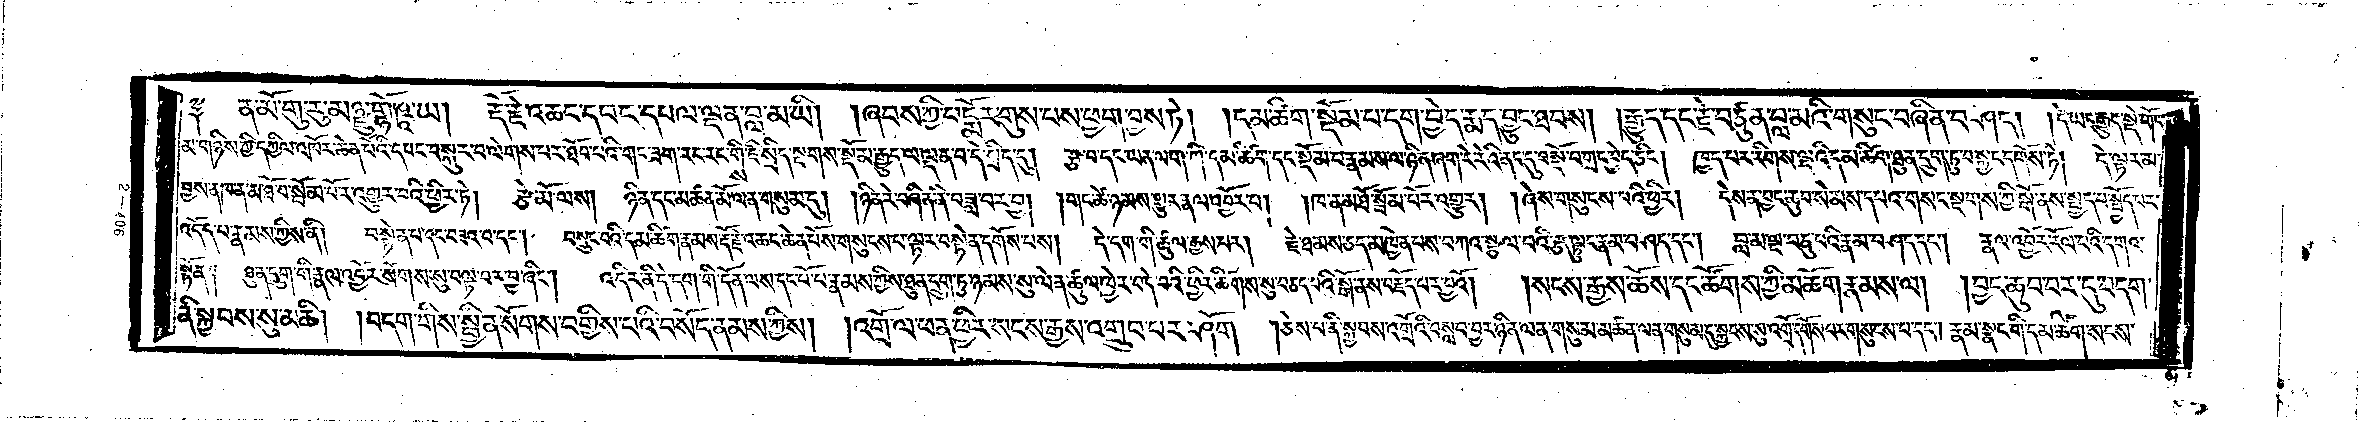༈ ན་མོ་གུ་རུ་མཉྫུ་གྷོ་ཥཱ་ཡ། རྡོ་རྗེ་འཆང་དབང་དཔལ་ལྡན་བླ་མ་ཡི། །ཞབས་ཀྱི་པདམོར་གུས་པས་ཕྱག་བྱས་ཏེ། །དམ་ཚིག་སྡོམ་པ་དག་བྱེད་རྨད་བྱུང་ཐབས། །རྒྱུད་དང་རྗེ་བཙུན་བླ་མའི་གསུང་བཞིན་བཤད། །དེ་ཡང་རྒྱུད་སྡེ་གོང་
མ་གཉིས་ཀྱི་དཀྱིལ་འཁོར་ཆེན་པོའི་དབང་བསྐུར་བ་ལེགས་པར་ཐོབ་པའི་གང་ཟག་རང་རང་གི་ཇི་སྲིད་སྔགས་སྡོམ་རྒྱུད་ལ་ལྡན་བ་དེ་སྲིད་དུ། རྩ་བ་དང་ཡན་ལག་གི་དམ་ཚིག་དང་སྡོམ་པ་རྣམས་ལ་ཉིན་ཞག་རེ་རེའི་ནང་དུ་བསྡོ་བགྲང་བྱེད་ཅིང་། ཁྱད་པར་རིགས་ལྔའི་དམ་ཚིག་ཐུན་དྲུག་ཏུ་བསྐྱངས་དགོས་ཏེ། དེ་ལྟར་མ་
བྱས་ན་ཁ་ན་མ་ཐོ་བ་སྦོམ་པོར་འགྱུར་བའི་ཕྱིར་ཏེ། རྩེ་མོ་ལས། ཉིན་དང་མཚན་མོ་ལན་གསུམ་དུ། །ཉིན་རེ་བཞིན་ནི་བཟླ་བར་བྱ། །གང་ཚེ་ཉམས་གྱུར་རྣལ་འབྱོར་བ། །ཁ་ན་མ་ཐོ་སྦོམ་པོར་འགྱུར། །ཞེས་གསུངས་པའི་ཕྱིར། དེས་ན་བྱང་ཆུབ་སེམས་དཔའ་གསང་སྔགས་ཀྱི་སྒོ་ནས་སྤྱད་པ་སྤྱོད་པར་
འདོད་པ་རྣམས་ཀྱིས་ནི། བསྟེན་པ་དང་བཟའ་བ་དང་། བསྲུང་བའི་དམ་ཚིག་རྣམས་རྡོ་རྗེ་འཆང་ཆེན་པོས་གསུངས་པ་ལྟར་བསྟེན་དགོས་པས། དེ་དག་གི་ཚུལ་རྒྱས་པར། རྗེ་ཐམས་ཅད་མཁྱེན་པས་བཀའ་སྩལ་བའི་རྩ་ལྟུང་རྣམ་བཤད་དང་། བླ་མ་ལྔ་བཅུ་པའི་རྣམ་བཤད་དང་། རྣལ་འབྱོར་རོལ་པའི་དགའ་
སྟོན༑ ཐུན་དྲུག་གི་རྣལ་འབྱོར་སོགས་སུ་བལྟ་བར་བྱ་ཞིང་། འདིར་ནི་དེ་དག་གི་དོན་ལས་དང་པོ་པ་རྣམས་ཀྱིས་ཐུན་དྲུག་ཏུ་ཉམས་སུ་ལེན་ཚུལ་ཁྱེར་བདེ་བའི་ཕྱིར་ཚིགས་སུ་བཅད་པའི་སྒོ་ནས་བརྗོད་པར་བྱའོ། །སངས་རྒྱས་ཆོས་དང་ཚོགས་ཀྱི་མཆོག་རྣམས་ལ། །བྱང་ཆུབ་བར་དུ་བདག་
ནི་སྐྱབས་སུ་མཆི། །བདག་གིས་སྦྱིན་སོགས་བགྱིས་པའི་བསོད་ནམས་ཀྱིས། །འགྲོ་ལ་ཕན་ཕྱིར་སངས་རྒྱས་འགྲུབ་པར་ཤོག །ཅེས་པ་ནི་སྐྱབས་འགྲོའ་བསླབ་བྱར་ཉིན་ལན་གསུམ་མཚན་ལན་གསུམ་དུ་སྐྱབས་སུ་འགྲོ་དགོས་པར་གསུངས་པ་དང་། རྣམ་སྣང་གི་དམ་ཚིག་སངས་